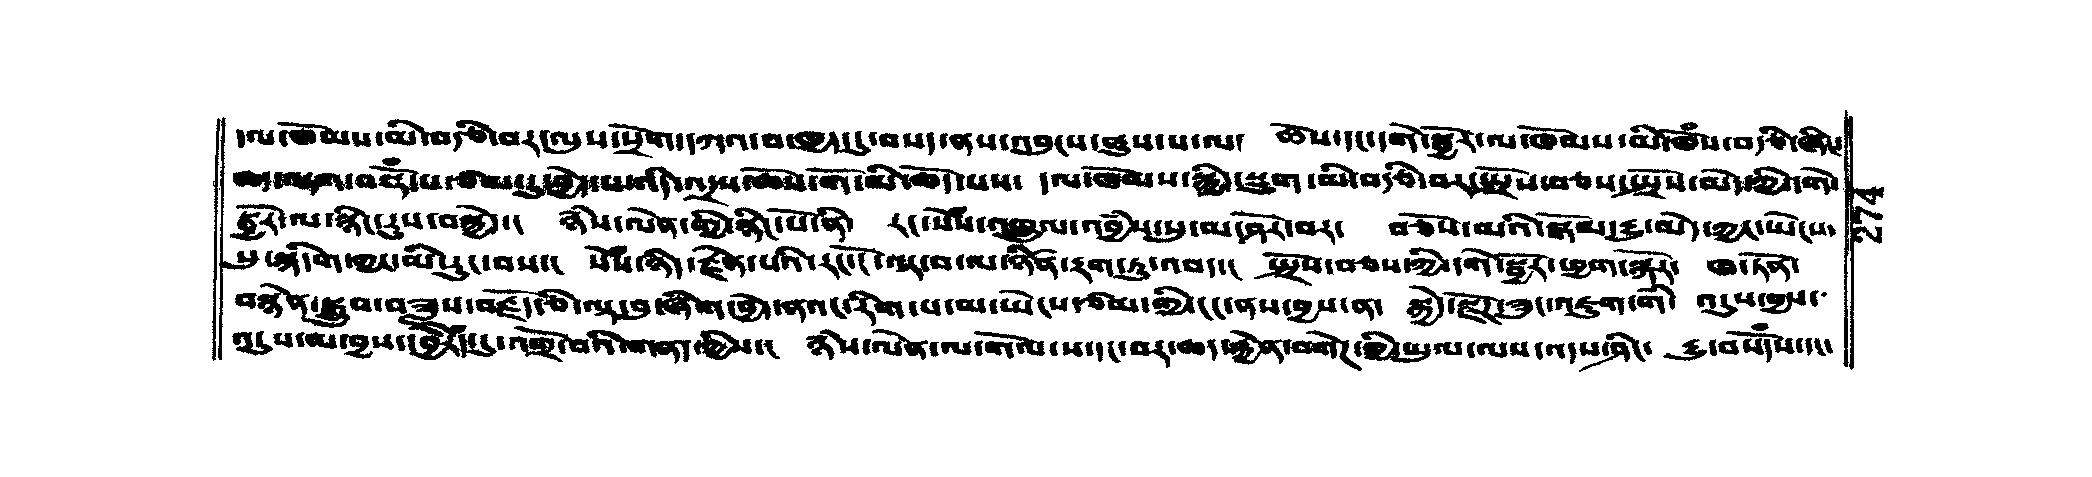དལ་ཁོམས་མི་བརྩི་བར་ལུས་སྲོག་དཀའ་བ་ཁྱད་དུ་བསད་ནས་འབུངས་ནུས་པ་ལ། ཆོས་དང་དགེ་སྦྱོར་ལ་ཁོམས་མི་ཁོམས་བརྩི་ཞིང་
ཆང་ལྷག་བསྡོམ་པ་ཙམ་དུ་བྱེད་པ་འདི་འདྲས་ཆོས་གོ་མི་ཆོད་པས། དལ་ཁོམས་སྐྱིད་སྡུག་མི་བརྩི་བར་སྤྲོས་བཅས་སྤྲོས་མེད་ཀྱི་དགེ་
སྦྱོར་ལ་སྙིང་རུས་བསྐྱེད། ཉམས་ལེན་གྱི་སྙིང་པོ་ནི། རང་སེམས་འཁྲུལ་འབྱམས་སུ་མ་ཤོར་བར། བཅོས་མའི་སྒོམ་རྒྱུ་མེད་ཀྱང་ཡེངས་
སུ་སྐད་ཅིག་ཀྱང་མི་རུང་བས། སེམས་ཉིད་རྗེན་པའི་རང་ངོ་ལྟ་བ་ལ་ཉིན་མཚན་རྟག་ཏུ་འབད། སྤྲོས་བཅས་ཀྱི་དགེ་སྦྱོར་ཕྱག་སྐོར། ཁ་ཏོན་
བསྙེན་སྒྲུབ་བཟླས་བརྗོད་ཅི་ལྟ་བུ་ཞིག་བྱེད་ནའང་རིག་པ་མ་ཡེངས་ཙམ་གྱི་ངང་ནས་བྱས་ན། བསྐྱེད་རྫོགས་ཟུང་འཇུག་གམ་ འདུས་བྱས་
འདུས་མ་བྱས་དབྱེར་མེད་དུ་འགྲོ་བའི་གནད་ཀྱིས། ཉམས་ལེན་ལ་གོལ་ས་དང་བར་ཆད་རྐྱེན་བགེགས་ཀྱི་ཡུལ་ལས་འདས་ཤིང། རྒྱུ་བསོད་ནམས་དང་